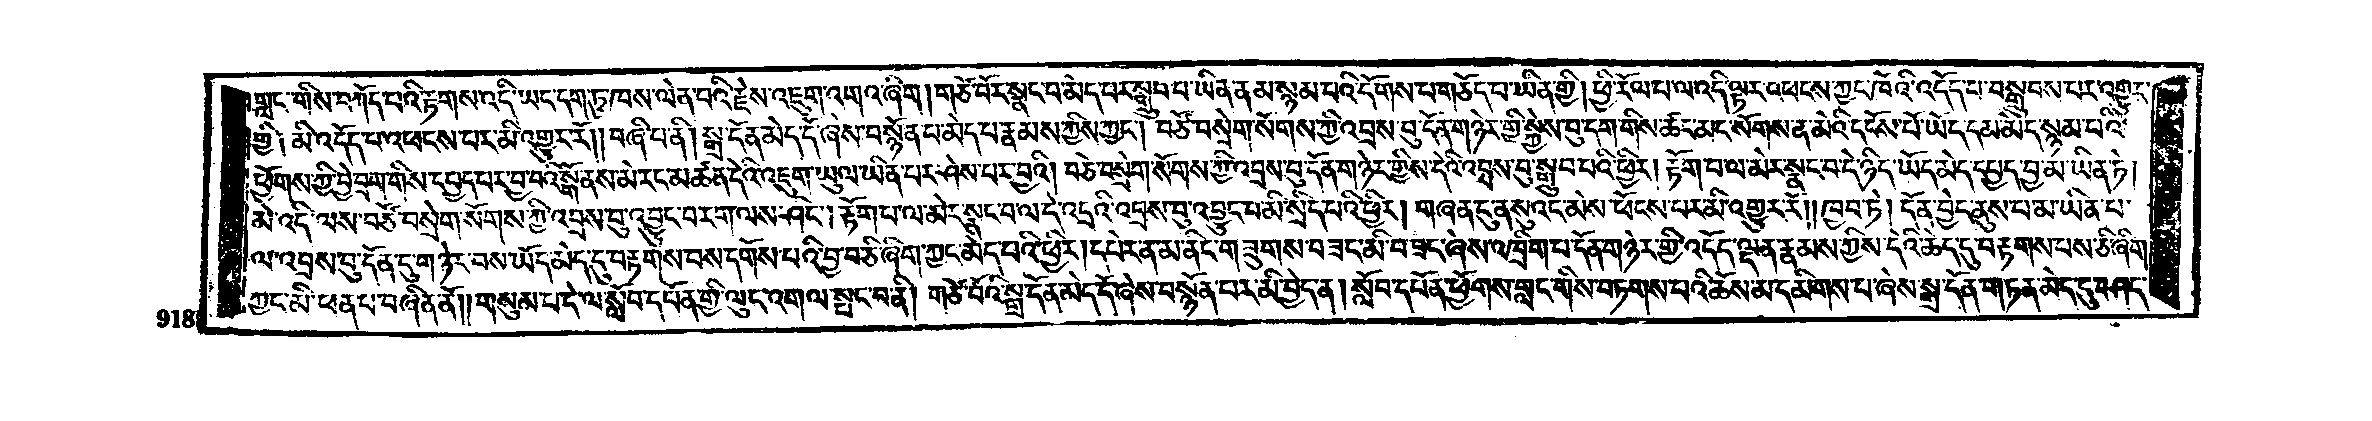གླང་གིས་བཀོད་པའི་རྟགས་འདི་ཡང་དག་ཏུ་ཁས་ལེན་པའི་རྗེས་འཇུག་འགའ་ཞིག །གཙོ་བོར་སྣང་བ་མེད་པར་སྒྲུབ་པ་ཡིན་ནམ་སྙམ་པའི་དོགས་པ་གཅོད་པ་ཡིན་གྱི། ཕྱི་རོལ་པ་ལ་འདི་ལྟར་འཕངས་ཀྱང་ཁོའི་འདོད་པ་བསྒྲུབས་པར་འགྱུར་
གྱི༑ མི་འདོད་པ་འཕངས་པར་མི་འགྱུར་རོ། །བཞི་བ་ནི། སྒྲ་དོན་མེད་དོ་ཞེས་བསྙོན་པ་མེད་པ་རྣམས་ཀྱིས་ཀྱང་། བཙོ་བསྲེག་སོགས་ཀྱི་འབྲས་བུ་དོན་གཉེར་གྱི་སྐྱེས་བུ་དག་གིས་ཚང་མང་སོགས་ན་མེའི་དངོས་པོ་ཡོད་དམ་མེད་སྙམ་པའི་
ཕྱོགས་ཀྱི་བྱེ་བྲག་གིས་དཔྱད་པར་བྱ་བའི་སྒོ་ནས་མེ་རང་མཚན་དེའི་འཇུག་ཡུལ་ཡིན་པར་ཤེས་པར་བྱའི། བཙོ་བསྲེག་སོགས་ཀྱི་འབྲས་བུ་དོན་གཉེར་གྱིས་དེའི་འབྲས་བུ་སྒྲུབ་པའི་ཕྱིར། རྟོག་པ་ལ་མེར་སྣང་བ་དེ་ཉིད་ཡོད་མེད་དཔྱད་བྱ་མ་ཡིན་ཏེ།
མེ་འདི་ལས་བཙོ་བསྲེག་སོགས་ཀྱི་འབྲས་བུ་འབྱུང་བ་རག་ལས་ཤིང་། རྟོག་པ་ལ་མེར་སྣང་བ་ལ་དེ་འདྲའི་འབྲས་བུ་འབྱུང་བ་མི་སྲིད་པའི་ཕྱིར། གཞན་དུ་ན་སུའང་མེས་ཕོངས་པར་མི་འགྱུར་རོ། །ཁྱབ་ཏེ། དོན་བྱེད་ནུས་པ་མ་ཡིན་པ་
ལ་འབྲས་བུ་དོན་དུ་གཉེར་བས་ཡོད་མེད་དུ་བརྟགས་པས་དགོས་པའི་བྱ་བ་ཅི་ཞིག་ཀྱང་མེད་པའི་ཕྱིར། དཔེར་ན་མ་ནིང་གཟུགས་བཟང་མི་བཟང་ཞེས་འཁྲིག་པ་དོན་གཉེར་གྱི་འདོད་ལྡན་རྣམས་ཀྱིས་དེའི་ཆེད་དུ་བརྟགས་པས་ཅི་ཞིག་
ཀྱང་མི་ཕན་པ་བཞིན་ནོ། །གསུམ་པ་དེ་ལ་སློབ་དཔོན་གྱི་ལུང་འགལ་སྤང་བ་ནི། གཙོ་བོའི་སྒྲ་དོན་མེད་དོ་ཞེས་བསྙོན་པར་མི་བྱེད་ན། སློབ་དཔོན་ཕྱོགས་གླང་གིས་བཏགས་པའི་ཆོས་མ་དམིགས་པ་ཞེས་སྒྲ་དོན་གཏན་མེད་དུ་བཤད་